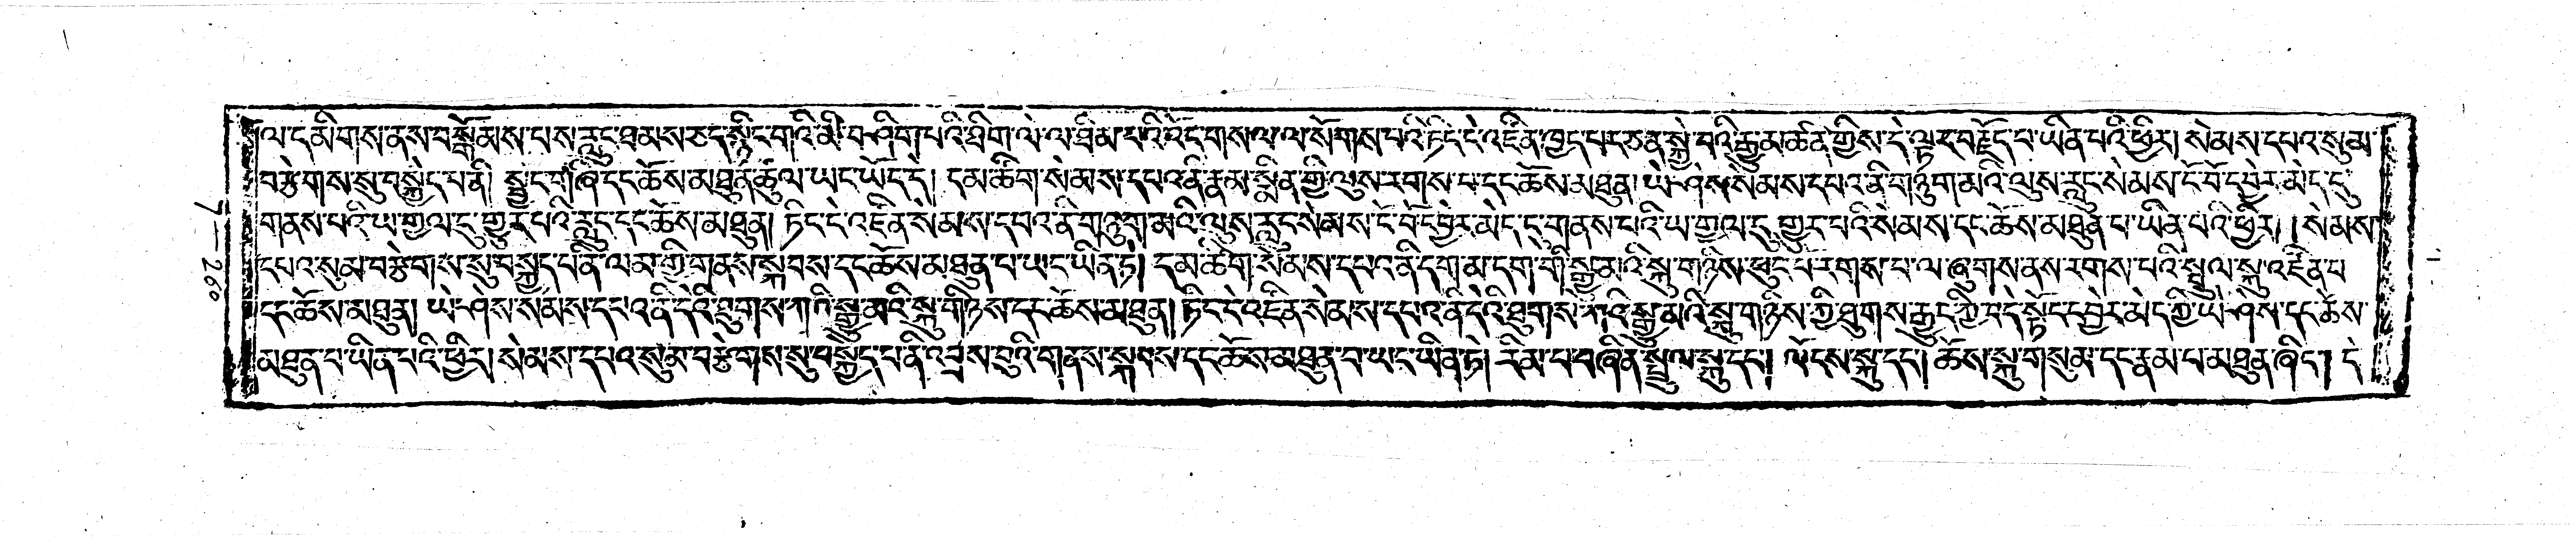ལ་དམིགས་ནས་བསྒོམས་པས་རླུང་ཐམས་ཅད་སྙིང་གའི་མི་བཤིག་པའི་ཐིག་ལེ་ལ་ཐིམ་པའི་འོད་གསལ་ལ་སོགས་པའི་ཏིང་ངེ་འཛིན་ཁྱད་པར་ཅན་སྐྱེ་བའི་རྒྱུ་མཚན་གྱིས་དེ་ལྟར་བརྟོད་པ་ཡིན་པའི་ཕྱིར། སེམས་དཔང་སུམ་
བརྩེགས་སུ་བསྐྱེད་པ་ནི། སྦྱང་གཞི་དང་ཆོས་མཐུན་ཚུལ་ཡང་ཡོད་དེ། དམ་ཚིག་སེམས་དཔའ་ནི་རྣམ་སྨིན་གྱི་ལུས་རགས་པ་དང་ཆོས་མཐུན། ཡེ་ཤེས་སེམས་དཔའ་ནི་གཉུག་མའི་ལུས་རླུང་སེམས་ངོ་བོ་དབྱེར་མེད་དུ་
གནས་པའི་ཡ་གྱལ་དུ་གྱུར་པའི་རླུང་དང་ཆོས་མཐུན། ཏིང་ངེ་འཛིན་སེམས་དཔའ་ནི་གཉུག་མའི་ལུས་རླུང་སེམས་ངོ་བོ་དབྱེར་མེད་དུ་གནས་པའི་ཡ་གྱལ་དུ་གྱུར་པའི་སེམས་དང་ཆོས་མཐུན་པ་ཡིན་པའི་ཕྱིར། །སེམས་
དཔའ་སུམ་བརྩེགས་སུ་བསྐྱེད་པ་ནི་ལམ་གྱི་གནས་སྐབས་དང་ཆོས་མཐུན་པ་ཡང་ཡིན་ཏེ། དམ་ཚིག་སེམས་དཔའ་ནི་དག་མ་དག་གི་སྒྱུ་མའི་སྐུ་གཉིས་ཕུང་པོ་རགས་པ་ལ་ཞུགས་ནས་རགས་པའི་སྤྲུལ་སྐུ་འཛིན་པ་
དང་ཆོས་མཐུན། ཡེ་ཤེས་སེམས་དཔའ་ནི་དེའི་ཐུགས་ཀའི་སྒྱུ་མའི་སྐུ་གཉིས་དང་ཆོས་མཐུན། ཏིང་ངེ་འཛིན་སེམས་དཔའ་ནི་དེའི་ཐུགས་ཀའི་སྒྱུ་མའི་སྐུ་གཉིས་ཀྱི་ཐུགས་རྒྱུད་ཀྱི་བདེ་སྟོང་དབྱེར་མེད་ཀྱི་ཡེ་ཤེས་དང་ཆོས་
མཐུན་པ་ཡིན་པའི་ཕྱིར། སེམས་དཔའ་སུམ་བརྩེགས་སུ་བསྐྱེད་པ་ནི་འབྲས་བུའི་གནས་སྐབས་དང་ཆོས་མཐུན་པ་ཡང་ཡིན་ཏེ། རིམ་པ་བཞིན་སྤྲུལ་སྐུ་དང་། ལོངས་སྐུ་དང་། ཆོས་སྐུ་གསུམ་དང་རྣམ་པ་མཐུན་ཞིང་། དེ་